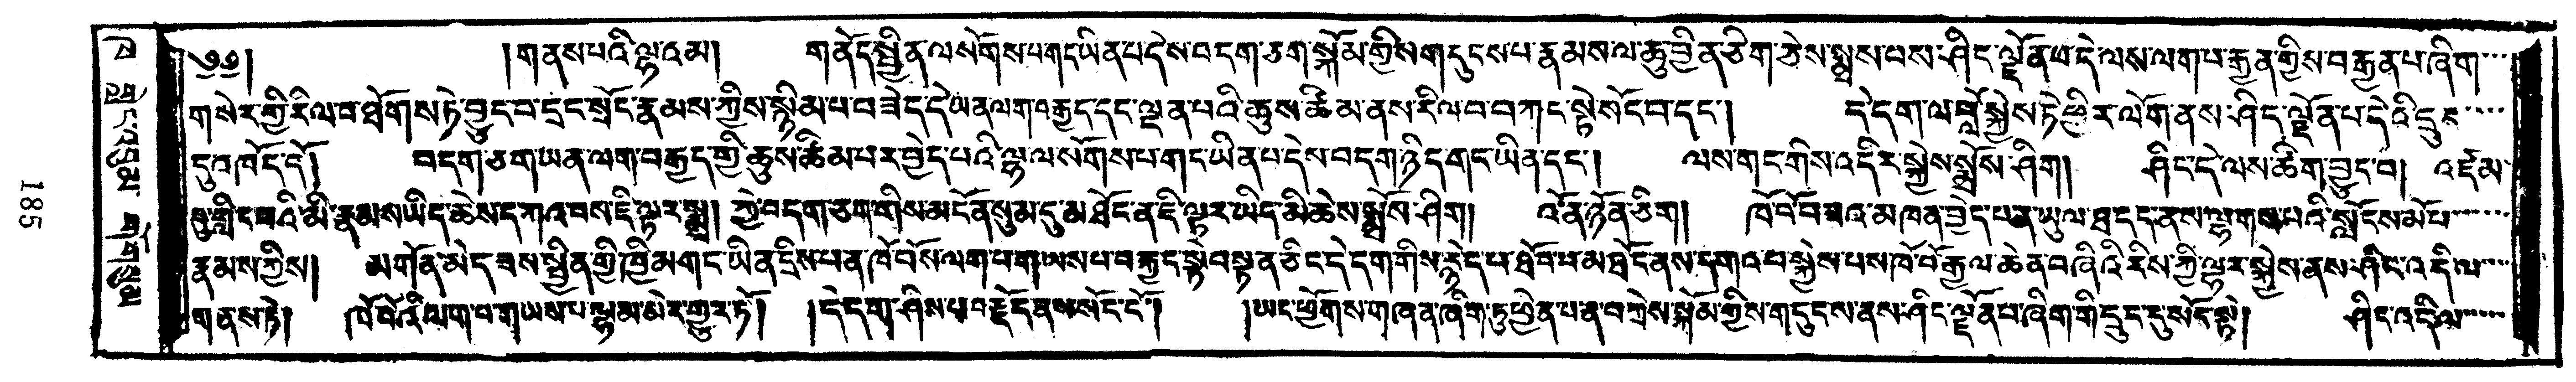༄༅། །གནས་པའི་ལྷའམ། གནོད་སྦྱིན་ལ་སོགས་པ་གང་ཡིན་པ་དེས་བདག་ཅག་སྐོམ་གྱིས་གདུངས་པ་རྣམས་ལ་ཆུ་བྱིན་ཅིག་ཅེས་སྨྲས་པས་ཤིང་ལྗོན་པ་དེ་ལས་ལག་པ་རྒྱན་གྱིས་བརྒྱན་པ་ཞིག་
གསེར་གྱི་རིལ་བ་ཐོགས་ཏེ་བྱུང་བ་དྲང་སྲོང་རྣམས་ཀྱིས་སྙིམ་པ་བཟེད་དེ་ཡན་ལག་བརྒྱད་དང་ལྡན་པའི་ཆུས་ཚིམ་ནས་རིལ་བ་བཀང་སྟེ་སོང་བ་དང་། དེ་དག་ལ་བློ་སྐྱེས་ཏེ་ཕྱིར་ལོག་ནས་ཤིད་ལྗོན་པ་དེའི་དྲུང་
དུ་འཁོད་དོ། བདག་ཅག་ཡན་ལག་བརྒྱད་གྱི་ཆུས་ཚིམ་པར་བྱེད་པའི་ལྷ་ལ་སོགས་པ་གང་ཡིན་པ་དེས་བདག་ཉིད་གང་ཡིན་དང་། ལས་གང་གིས་འདིར་སྐྱེས་སྨྲོས་ཤིག། ཤིང་དེ་ལས་ཚིག་བྱུང་བ། འཛམ་
བུ་གླིང་བའི་མི་རྣམས་ཡིད་ཆེས་དཀའ་བས་ཇི་ལྟར་སྨྲ། ཀྱེ་བདག་ཅག་གིས་མངོན་སུམ་དུ་མཐོང་ན་ཇི་ལྟར་ཡིད་མི་ཆེས་སྨྲོས་ཤིག། འོ་ན་ཉོན་ཅིག། ཁོ་བོ་བཟའ་མཁན་བྱེད་པ་ན་ཡུལ་ཐ་དད་ནས་ལྷགས་པའི་སློངས་མོ་པ་
རྣམས་ཀྱིས། མགོན་མེད་ཟས་སྦྱིན་གྱི་ཁྱིམ་གང་ཡིན་དྲིས་པ་ན་ཁོ་བོས་ལག་པ་གཡས་པ་བརྐྱང་སྟེ་བསྟན་ཅིང་དེ་དག་གིས་རྙེད་པ་ཐོབ་པ་མཐོང་ནས་དགའ་བ་སྐྱེས་པས་ཁོ་བོ་རྒྱལ་ཆེན་བཞིའི་རིས་ཀྱི་ལྷར་སྐྱེས་ནས་ཤིང་འདི་ལ་
གནས་ཏེ། ཁོ་བོའི་ལག་པ་གཡས་པ་ལྷམ་མེར་གྱུར་ཏོ། །དེ་དག་ཤིས་པ་བརྗོད་ནས་སོང་ངོ། །ཡང་ཕྱོགས་གཞན་ཞིག་ཏུ་ཕྱིན་པ་ན་བཀྲེས་སྐོམ་གྱིས་གདུངས་ནས་ཤིང་ལྗོན་པ་ཞིག་གི་དྲུང་དུ་སོང་སྟེ། ཤིང་འདི་ལ་